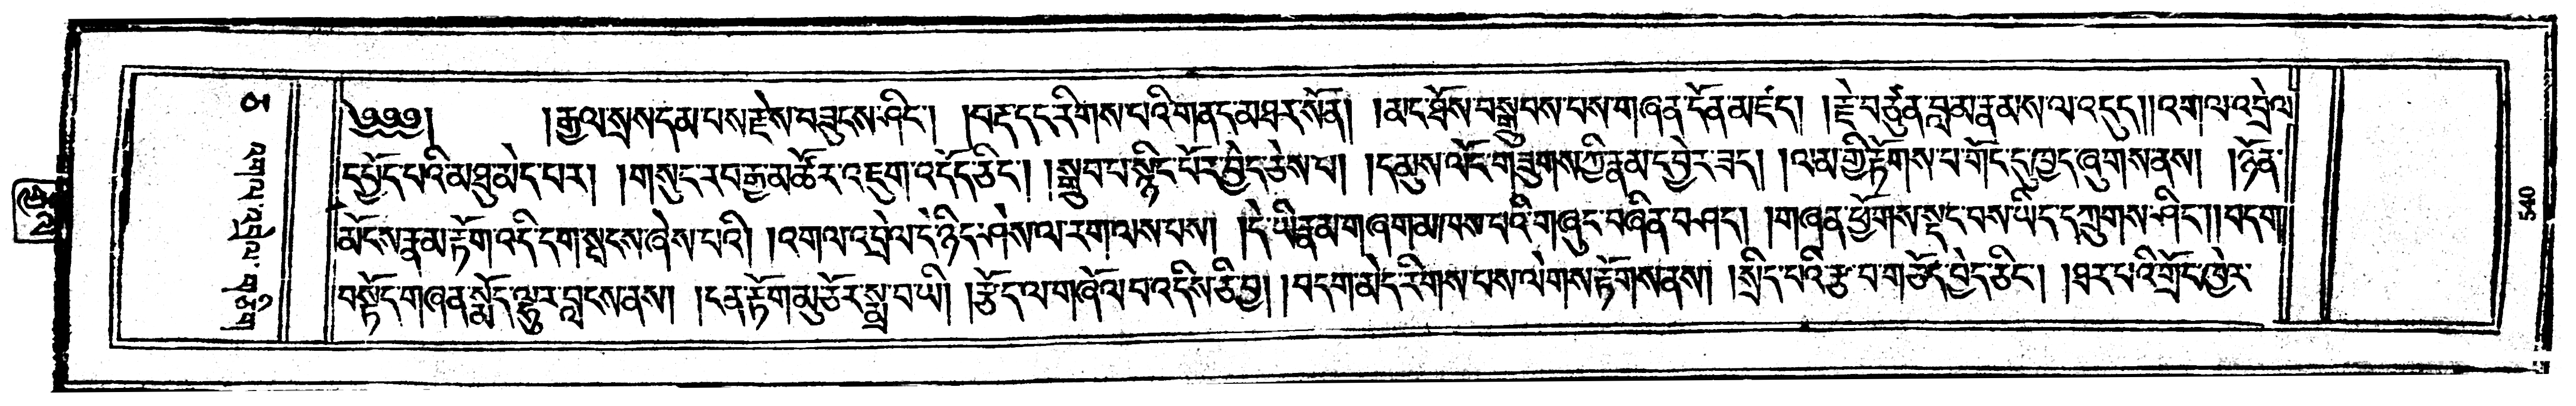༄༅༅། །རྒྱལ་སྲས་དམ་པས་རྗེས་བཟུངས་ཤིང་། །བརྡ་དང་རིགས་པའི་གནད་མཐར་སོན། །མང་ཐོས་བསྒྲུབས་པས་གཞན་དོན་མཛད། །རྗེ་བཙུན་བླ་མ་རྣམས་ལ་འདུད། །འགལ་འབྲེལ་
དཔྱོད་པའི་མཐུ་མེད་པར། །གསུང་རབ་རྒྱ་མཚོར་འཇུག་འདོད་ཅིང་། །སྒྲུབ་པ་སྙིང་པོར་བྱེད་ཅེས་པ། །དམུས་ལོང་གཟུགས་ཀྱི་རྣམ་དབྱེར་ཟད། །ལམ་གྱི་རྟོགས་པ་གོང་དུ་ཁྱད་ཞུགས་ནས། །ཉོན་
མོངས་རྣམ་རྟོག་འདི་དག་སྤངས་ཞེས་པའི། །འགལ་འབྲེལ་དེ་ཉིད་ཤེས་ལ་རག་ལས་པས། །དེ་ཡི་རྣམ་གཞག་མཁས་པའི་གཞུང་བཞིན་བཤད། །གཞན་ཕྱོགས་སྡང་བས་ཡིད་དཀྲུགས་ཤིང་། །བདག་
བསྟོད་གཞན་སྨོད་ལྷུར་བླངས་ནས། །ངན་རྟོག་མུ་ཅོར་སྨྲ་བ་ཡི། །རྩོད་ལ་གཞོལ་བ་འདིས་ཅི་བྱ། །བདག་མེད་རིགས་པས་ལེགས་རྟོགས་ནས། །སྲིད་པའི་རྩ་བ་གཅོད་བྱེད་ཅིང་། །ཐར་པའི་གྲོང་ཁྱེར་